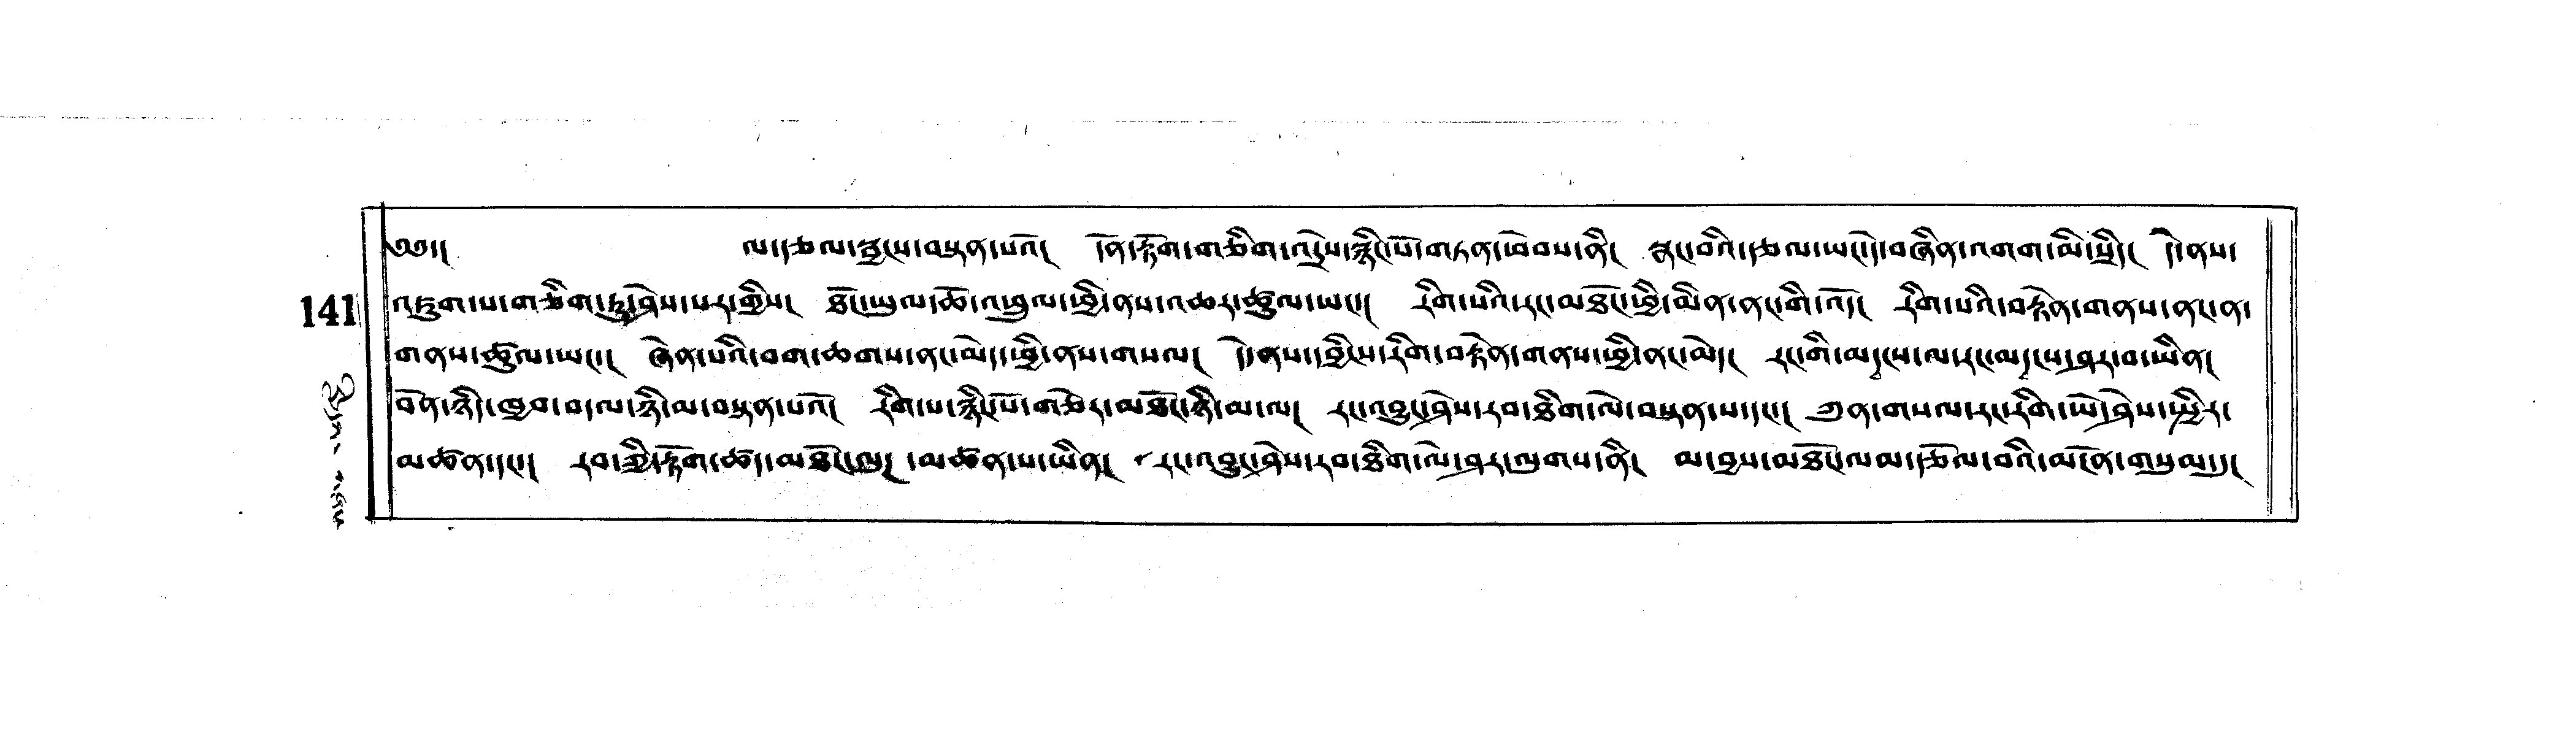ལ་རྩལ་སྦྱངས་བསྟན་པའོ། དོན་རྟོགས་གཅིག་འདྲེས་སྙིང་པོ་གཏན་ཕེབས་ནི། སྣང་བའི་རྩལ་ཡང་དེ་བཞིན་འགག་མི་སྲིད། དེ་ནས་
འཇུག་པ་གཅིག་ཏུ་ཤེས་པར་གྱིས། ཐོང་ཡུལ་ཆོ་འཕྲུལ་ཕྱི་ནས་འཆར་ཚུལ་ཡང་། རིག་པའི་རང་མཐོང་ཕྱི་མིན་ནང་གི་འོད། རིག་པའི་རྟེན་གནས་ནང་ན་
གནས་ཚུལ་ཡང་། ཞེན་པའི་བག་ཆགས་ནང་མེད་ཕྱི་ནས་གསལ། དེ་ནས་དབྱིངས་རིག་རྟེན་གནས་ཕྱི་ནང་མེད། རང་གི་མདངས་ལ་རང་མདངས་ཤར་བ་ཡིན། 
བོན་ཉིད་ཁྱབ་བདལ་ཉི་མ་བསྟན་པའོ། རིག་པ་སྙིང་པོ་གཅེར་མཐོང་ཉི་མ་ལ། རང་འབྱུང་ཤེས་རབ་ཐིག་ལེ་བསྟན་པ་དང་། ཀུན་གསལ་རང་རིག་ཡེ་ཤེས་སྤྱིར་
མཚན་དང་། རབ་ཀྱི་རྟོགས་ཚད་མཐོང་ལུགས་མཚན་པ་ཡིན། ༧ རང་བྱུང་ཤེས་རབ་ཐིག་ལེ་ཤར་ལུགས་ནི། མ་བྱས་མཐོང་ལམ་རྩོལ་བའི་མངོན་སུམ་དུ།